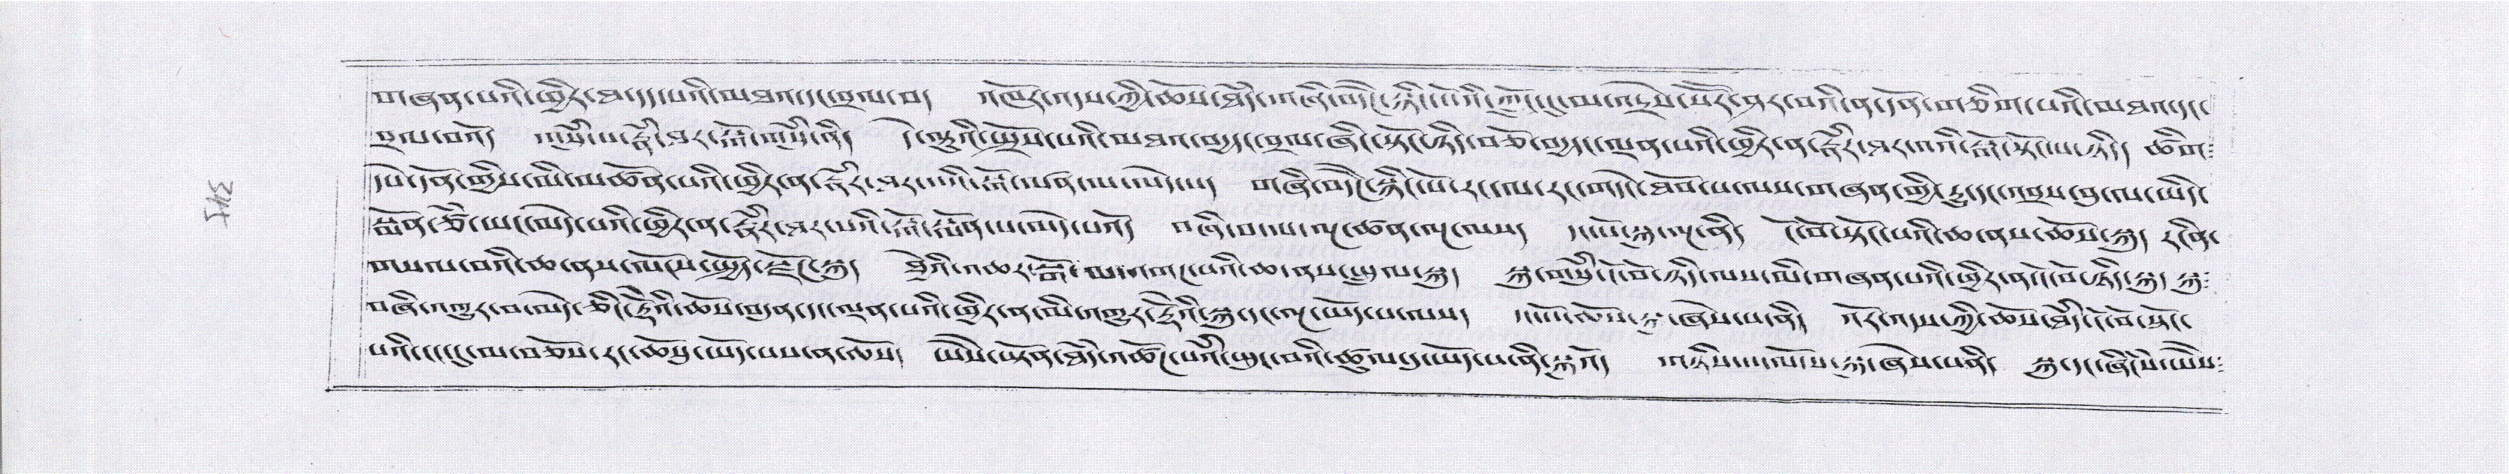གཞན་པའི་ཕྱིར་ཐ་དད་པའི་མཐའ་དང་བྲལ་བ། འཁོར་འདས་ཀྱི་ཆོས་ཐམས་ཅད་གཞི་བདེ་གཤེགས་སྙིང་པོའི་ཀློང་དུ་མ་འདྲེས་སོ་སོར་ཤར་བའི་ན་དོན་གཅིག་པའི་མཐའ་དང་
བྲལ་བའོ། གསུམ་པ་རྣམ་ཐར་སྒོ་གསུམ་ནི། དེ་ལྟ་བུའི་སྤྲོས་པའི་མཐའ་བརྒྱད་དང་བྲལ་ཞིང་སྟོང་ཉིད་བཅོ་བརྒྱད་དང་ལྡན་པའི་ཕྱིར་ན་རྣམ་པར་ཐར་པའི་སྒོ་སྟོང་པ་ཉིད། ཚིག་
དཔེ་དོན་གྱིས་མི་མཚོན་པའི་ཕྱིར་ན་རྣམ་པར་ཐར་བའི་སྒོ་མཚན་མ་མེད་པ། གཞི་བདེ་གཤེགས་སྙིང་པོ་རང་ལ་རང་གདེངས་ཐོབ་པ་ལས་གཞན་གྱི་རྒྱུ་དང་འབྲས་བུ་ལ་ཡིད་
སྨོན་ཙམ་ཡང་མེད་པའི་ཕྱིར་ན་རྣམ་པར་ཐར་པའི་སྒོ་སྨོན་པ་མེད་པའོ། བཞི་པ་ལ་ལྔ་ཚན་ལྔ་ལས། དང་པོ་སྐུ་ལྔ་ནི། ངོ་བོ་སྟོང་པའི་ཆ་ནས་ཆོས་སྐུ། རང་བཞིན་
གསལ་བའི་ཆ་ནས་ལོངས་སྤྱོད་རྫོགས་སྐུ། ཐུགས་རྗེའི་འཆར་སྒོ་མ་འགགས་པའི་ཆ་ནས་སྤྲུལ་སྐུ། སྐུ་གསུམ་ངོ་བོ་ཉིད་ལས་མི་གཞན་པའི་ཕྱིར་ན་ངོ་བོ་ཉིད་སྐུ། སྐུ་
བཞི་འགྱུར་བ་མེད་ཅིང་རྡོ་རྗེའི་ཆོས་བདུན་དང་ལྡན་པའི་ཕྱིར་ན་མི་འགྱུར་རྡོ་རྗེའི་སྐུ་དང་ལྔ་ཡོད་པ་ལས། དང་པོ་ཆོས་སྐུ་ཞེས་པ་ནི། འཁོར་འདས་ཀྱི་ཆོས་ཐམས་ཅད་ངོ་བོ་སྟོང་
པའི་ངང་དུ་མ་བཅོས་རང་ཆོས་སུ་ཡོད་པས་ན་ཆོས། ཡེ་ཤེས་ཡོན་ཏན་ཐམས་ཅད་འཚོགས་པའི་སྤུང་བའི་ཚུལ་དུ་ཡོད་པ་ནི་སྐུའོ། གཉིས་པ་ལོངས་སྐུ་ཞེས་པ་ནི། སྐུ་དང་ཞིང་ཁམས་ཡེ་ཤེས་